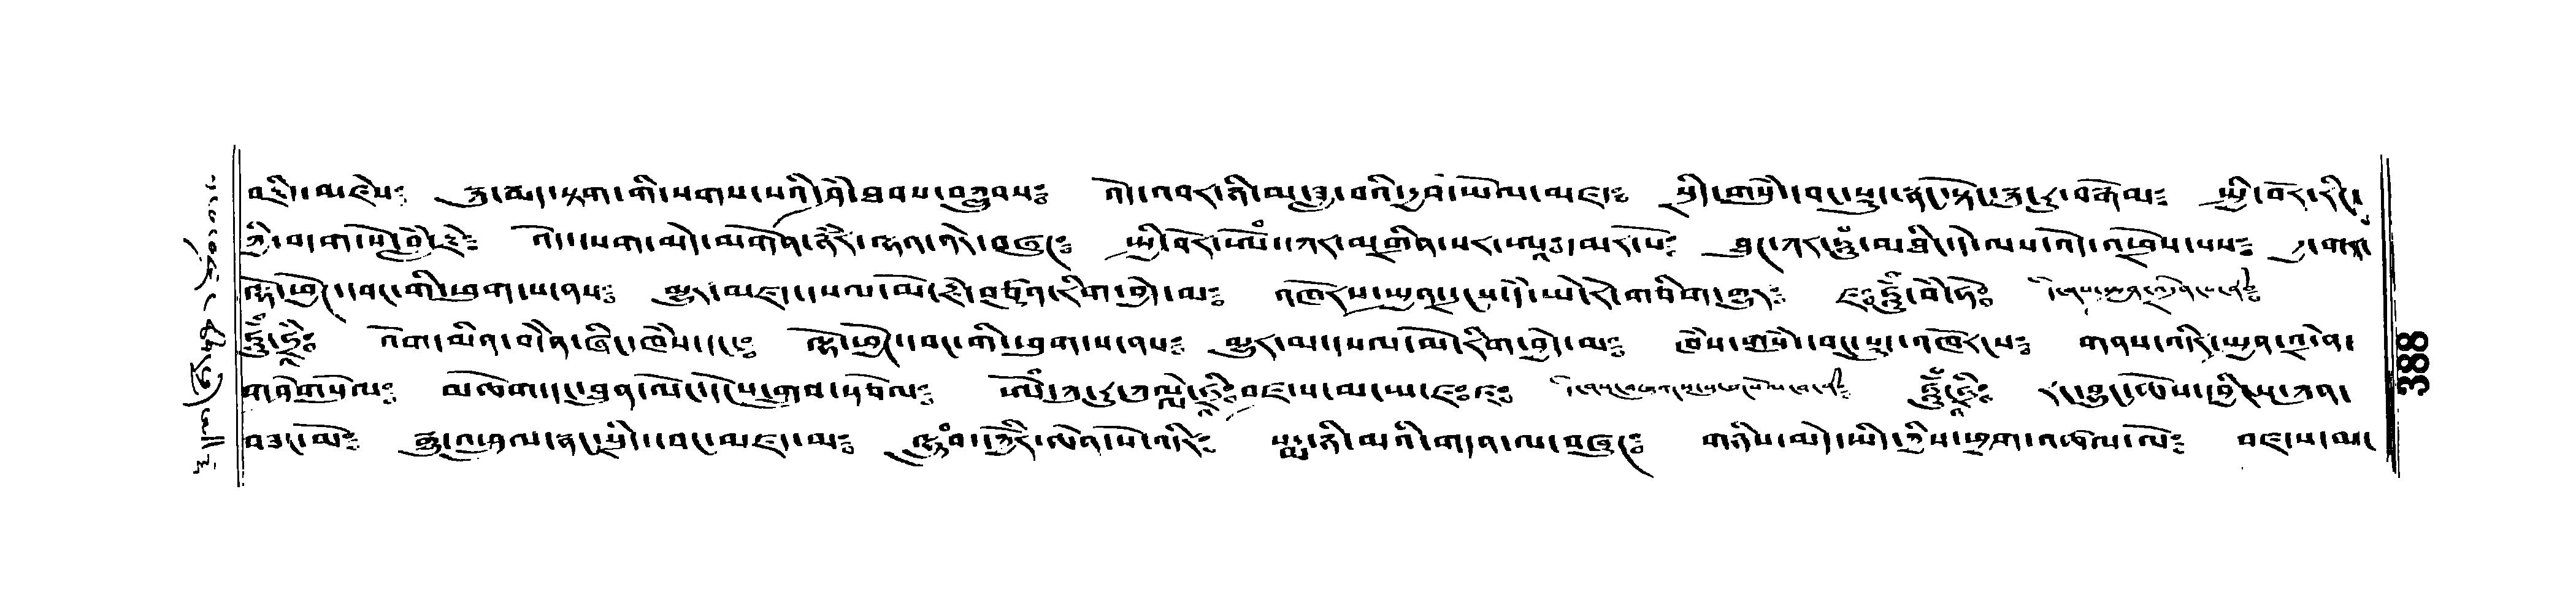བརྗིད་མཛེས༔ སྐུ་སྨད་སྟག་གི་པགས་པའི་ཤམ་ཐབས་བཀླུབས༔ འོད་འབར་ཉི་མ་ཟླ་བའི་རྒྱབ་ཡོལ་མཛད༔ སྲིད་གསུམ་དབང་སྡུད་སྣང་སྟོང་སྐུ་རུ་བསྒོམ༔ སྤྱི་བོར་རིགས་
ཀྱི་བདག་པོ་བླ་མ་རྗེ༔ འོད་དཔག་མེད་མགོན་རྣམ་པར་ལྷན་ནེར་བཞུགས༔སྤྱི་བོར་ཨོཾ་དཀར་མགྲིན་པར་ཨཱཿདམར་པོ༔ ཐུགས་ཀར་ཧཱུྃ་མཐིང་དེ་ལས་འོད་འཕྲོས་པས༔ རྒྱ་གར་
ལྷོ་ཕྱོགས་དབང་གི་ཕུག་པ་ནས༔ མྱུར་མཛད་དཔལ་མོ་རྗེ་བཙུན་རིག་བྱེད་མ༔ འཁོར་འདས་སྤྱན་དྲངས་དམ་ཡེ་རོ་གཅིག་གྱུར༔ ཛཿཧཱུྃ་བྃ་ཧོཿ དེ་ནས་སྤྱན་འདྲེན་པ་ནི༔ 
ཧཱུྃ་ཧྲཱིཿ འོག་མིན་བདེ་ཆེན་ཞིང་ཁམས་དང༔ ལྷོ་ཕྱོགས་དབང་གི་ཕུག་པ་ནས༔ མྱུར་མ་དཔལ་མོ་རིག་བྱེད་མ༔ ཁམས་གསུམ་དབང་སྡུད་འཁོར་དང་བཅས༔ གནས་འདིར་སྤྱན་འདྲེན་
གཤེགས་སུ་གསོལ༔ མཆོག་དང་ཐུན་མོང་དངོས་གྲུབ་སྩོལ༔ ཨོཾ་ཀུ་རུ་ཀུལླེ་ཧྲཱིཿབཛྲ་ས་མ་ཡ་ཛཿཛཿ དེ་ནས་བཞུགས་སུ་གསོལ་བ་ནི༔ ཧཱུྃ་ཧྲཱིཿ རང་བྱུང་ཆོས་དབྱིངས་ཀུན་
བཟང་མོ༔ སྒྱུ་འཕྲུལ་སྣང་སྲིད་དབང་མཛད་མ༔ ལྷུན་གྲུབ་དཀྱིལ་འཁོར་ཆེན་པོ་འདིར༔ པདྨ་ཉི་མའི་གདན་ལ་བཞུགས༔ གཉིས་མེད་ཡིད་ཀྱིས་ཕྱག་འཚལ་ལོ༔ བཛྲ་ས་མ་